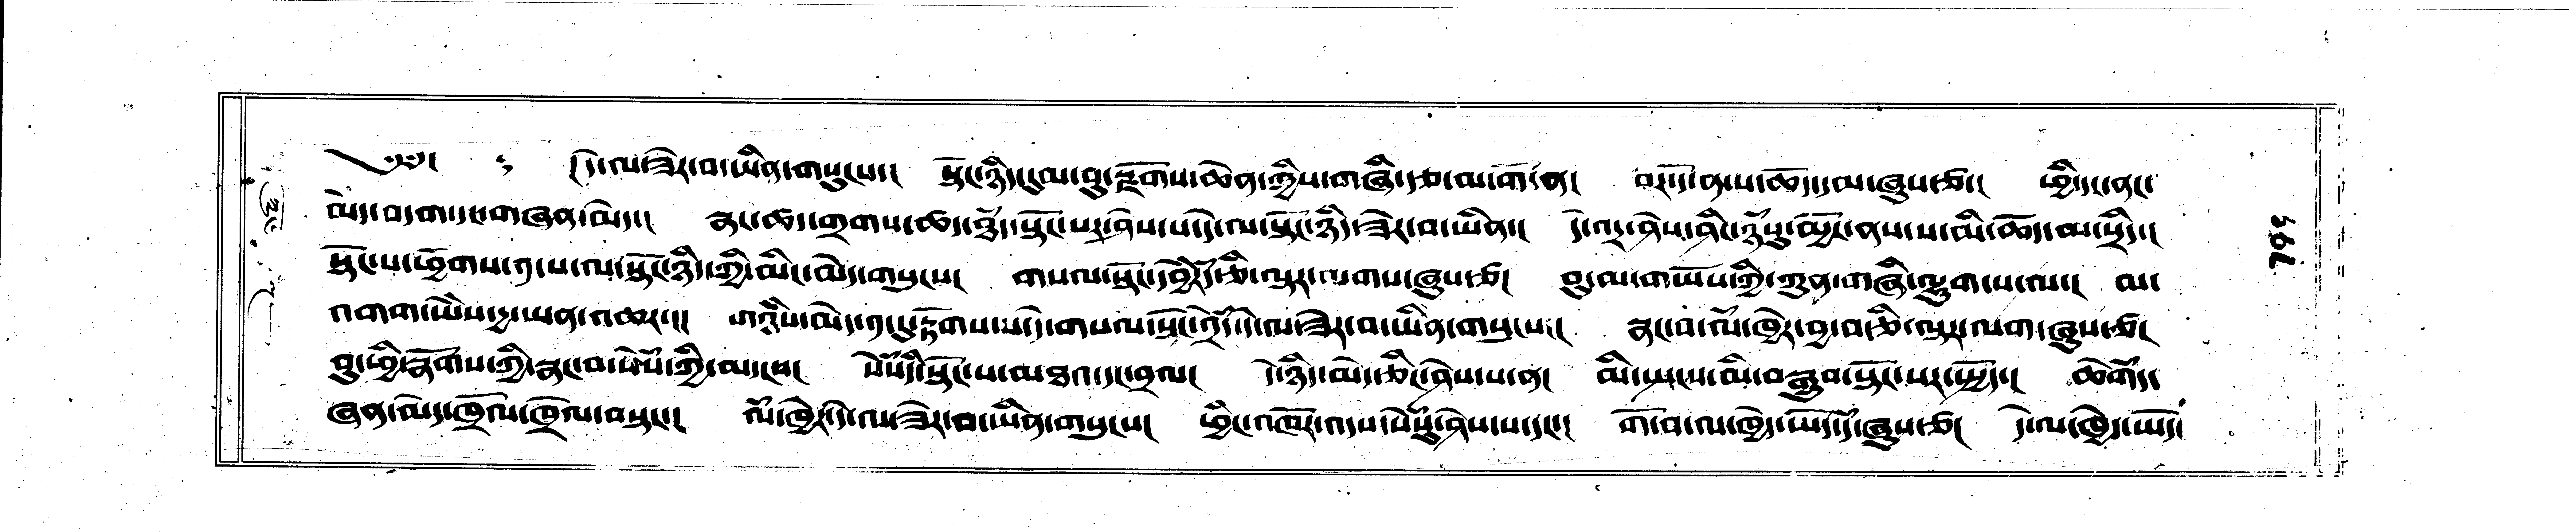དེ་ལ་ཟེར་བ་ཡིན་གསུངས། སྟོང་ཉིད་དུམ་བུ་རྫོགས་ཆེན་གྱི་གཞི་རྩ་མ་གོ་ན། བར་དོ་ན་ས་ཆོད་དམ་ཞུས་ཙ། ཕྱི་དང་ནང་
མེད་བདག་དང་གཞན་མེད། སྣང་ཚད་གྲགས་ཚད་ཐམས་ཅད་སྟོང་པར་ཤེས་པ་དེ་ལ་སྟོང་ཉིད་ཟེར་བ་ཡིན། དེ་འདྲ་ཤེས་ཤིང་ཉམས་སུ་མྱང་ན་ས་མི་ཆོད་མི་སྲིད། 
སྟོང་པ་ཕྱོགས་གཅིག་པ་ལ་སྟོང་ཉིད་ཀྱི་མིང་མེད་གསུངས། གསལ་སྟོང་དབྱེར་མེད་ཇི་ལྟར་ལགས་ཞུས་ཙ། བུ་མ་གཡོས་ཀྱི་ཀུན་གཞི་ལྷུག་པ་ལ། མ་
འགག་ཡེ་ཤེས་རྒྱ་ཡན་འཆར། གཉིས་མེད་གཅིག་ཏུ་རྟོགས་པ་དེ་གསལ་སྟོང་གཉིས་མེད་དེ་ལ་ཟེར་བ་ཡིན་གསུངས། སྣང་བ་ལམ་འཁྱེར་བྱ་བ་ཇི་ལྟར་ལགས་ཞུས་ཙ། 
བུ་ཕྱི་སྣ་ཚོགས་ཀྱི་སྣང་བ་སེམས་ཀྱི་མདངས། སེམས་ཉིད་སྟོང་པ་མཐའ་དང་བྲལ། དེ་ཉིད་མེད་ཅིང་ཤེས་པ་ན། མི་སྤང་མི་བསྒྲུབ་སྟོང་པར་སྤྱོད། ཆགས་
མེད་ཞན་མེད་ཁྲོལ་ཁྲོལ་བཏང་། ལམ་འཁྱེར་དེ་ལ་ཟེར་བ་ཡིན་གསུངས། ཕྱི་ནང་འཁོར་འདས་སེམས་སུ་ཤེས་པ་དང་། གོ་བ་ལ་ཁྱད་ཡོད་དམ་ཞུས་ཙ། དེ་ལ་ཁྱད་ཡོད་